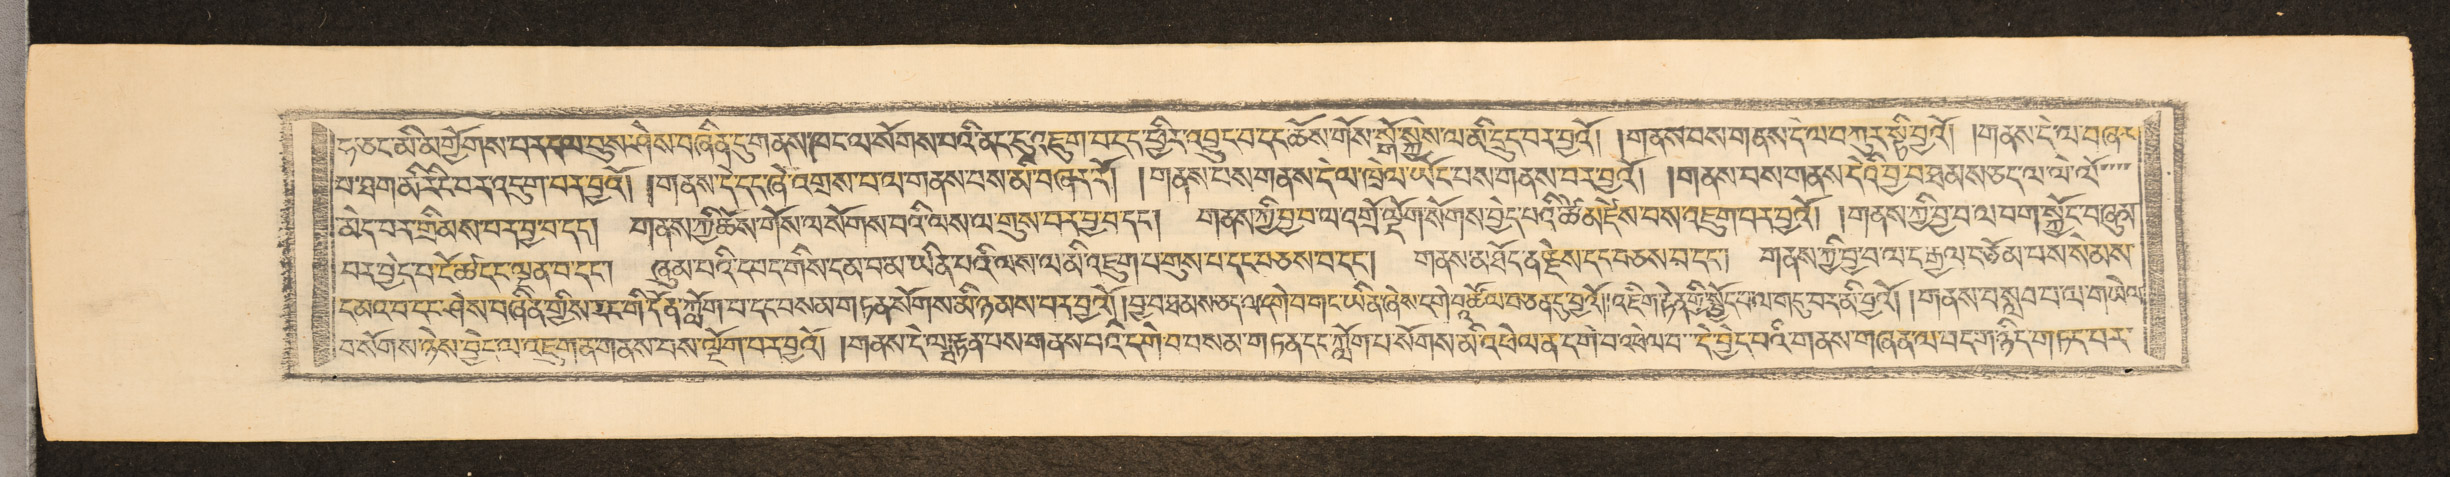ཧ་ཅང་མི་མགྱོགས་པར་དལ་བུས་ཤེས་བཞིན་དུ་གནས་ཁང་ལ་སོགས་པའི་ནང་དུ་འཇུག་པ་དང་ཕྱིར་འབྱུང་བ་དང་ཆོས་གོས་སྒོ་སྐྱེས་ལ་མི་དྲུད་པར་བྱའོ། །གནས་པས་གནས་དེ་ལ་བཀུར་སྟི་བྱའོ། །གནས་དེ་ལ་བཞར་
པ་ཐག་མི་རིང་བར་འདུག་པར་བྱའོ། །གནས་དེ་དང་ཞེ་འགྲས་པ་ལ་གནས་པས་མི་བཞར་རོ། །གནས་པས་གནས་དེ་ལ་ཁྲེལ་ཡོད་པས་གནས་པར་བྱའོ། །གནས་པས་གནས་དེའི་བྱ་བ་ཐམས་ཅད་ལ་ལེ་ལོ་
མེད་པར་གྲིམས་པར་བྱ་བ་དང་། གནས་ཀྱི་ཆོས་གོས་ལ་སོགས་པའི་ལས་ལ་གུས་བར་བྱ་བ་དང་། གནས་ཀྱི་བྱ་བ་ལ་འགྲོ་ལྡོག་སོགས་བྱེད་པའི་ཚེ་མཛེས་པས་འཇུག་པར་བྱའོ། །གནས་ཀྱི་བྱ་བ་ལ་བག་སྐྱོང་བཞུམ་
པར་བྱེད་པ་ངོ་ཚ་དང་ལྡན་པ་དང་། ཞུམ་པའི་དབང་གིས་དམ་པ་མ་ཡིན་པའི་ལས་ལ་མི་འཇུག་པ་གུས་པ་དང་བཅས་པ་དང་། གནས་མཐོང་ན་རྗེས་དང་བཅས་པ་དང་། གནས་ཀྱི་བྱ་བ་ལ་ང་རྒྱལ་བཅོམ་པས་སེམས་
དམའ་བ་དང་ཤེས་བཞིན་གྱིས་རང་གི་དོན་ཀློག་པ་དང་བསམ་གཏན་སོགས་མི་ཉམས་པར་བྱའོ། །བྱ་བ་ཐམས་ཅད་ལ་དགེ་བ་གང་ཡིན་ཞེས་དགེ་བ་འཚོལ་བ་ཅན་དུ་བྱའོ། །འཇིག་རྟེན་གྱི་སྤྱོད་པ་ལ་གདུ་བར་མི་བྱའོ། །གནས་བསླབ་པ་ལ་གཡེལ་
པ་སོགས་ཉེས་བྱེད་ལ་འཇུག་ན་གནས་པས་ལྡོག་པར་བྱའོ། །གནས་དེ་ལ་བརྟེན་པས་གནས་པའི་དགེ་བ་བསམ་གཏན་དང་ཀློག་པ་སོགས་མི་འཕེལ་ན་དགེ་བ་འཕེལ་བ་དེ་བྱེད་པའི་གནས་གཞན་ལ་བདག་ཉིད་གཏད་པར་